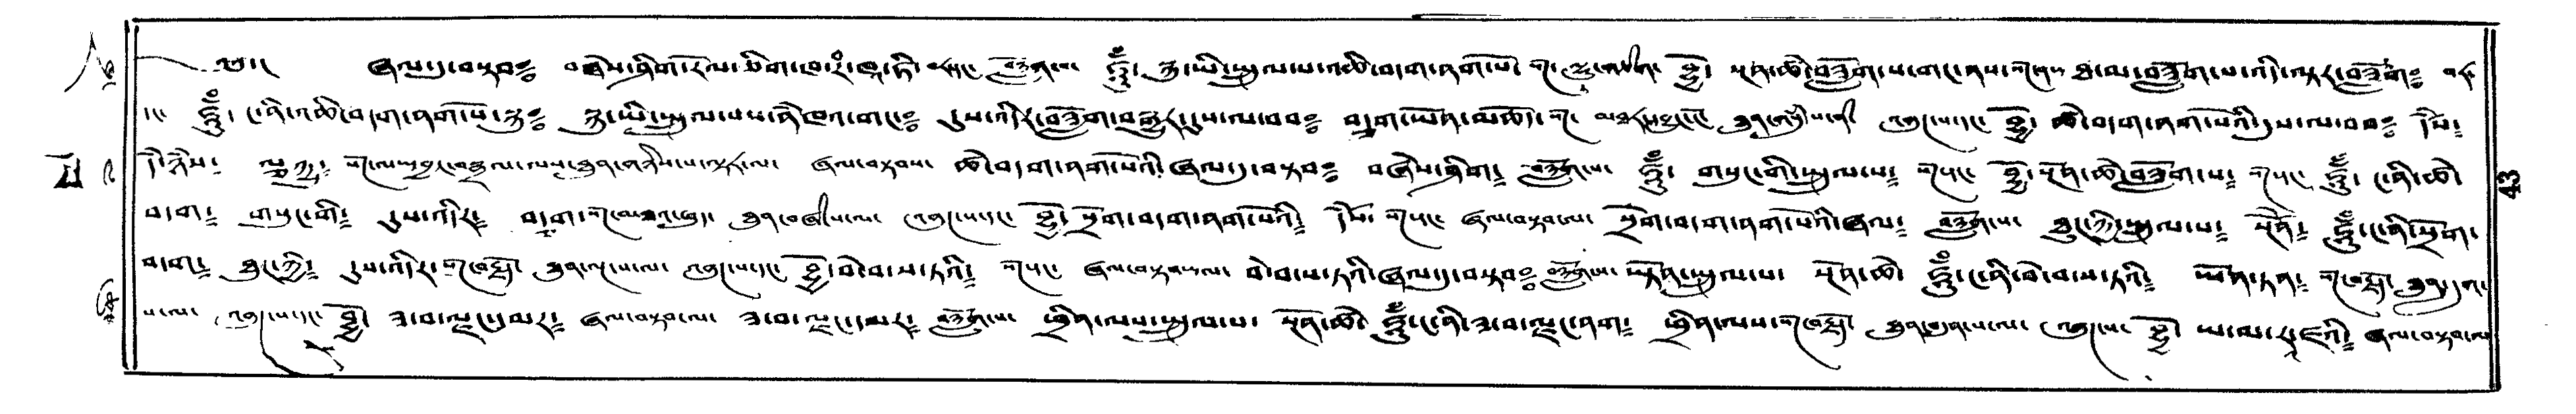ཞལ་དུ་བསྟབ༔ བཞེས་ཤིག་རོལ་ཅིག་ཁ་རཾ་ཁཱ་ཧི༔ བར་དང་། བཟློག་པ། ཧཱུྃ། སྐུ་ཡི་སྤྲུལ་པ་འཆི་བདག་ནག་པོ༴ སོགསལྷུ་གཅིག བྷྱོ༔ སྔོན་ཚེ་བཟློག་པ་གང་ནས༴ སོགས་ནས། ཐ་མ་བཟློག་པ་འདི་ལྟར་བཟློག༔ བར་
དང་། ཧཱུྃ༔ ང་ནི་འཆི་བདག་ནག་པོ་སྐུ༔ སྐུ་ཡི་སྤྲུལ་པས་ནམ་མཁའ་གང༔ དུས་འདིར་བཟློག་བསྒྱུར་དུས་ལ་བབ༔ བདག་ཅག་ཡོན་མཆོད་སོགས་ནས་མཐར་དབྱུང་ངོ་། ཐུན་གསུམ་པ་ནི། འགུགས་པ་དང་། བྷྱོ༔ ཚེ་བདག་ནག་པོའི་དུས་ལ་བབ༔ དམ་རྫས༴ 
དམ་ཉམས༴ ལྕགས་ཀྱུ༴ སོགས་ལས་བྱང་གི་བསྒྲལ་ལས་ཐུན་གཉིས་པ་ལྟར་ལ། ཞལ་བསྟབས། ཚེ་བདག་ནག་པོའི་ཞལ་དུ་བསྟབ༴ བཞེས་ཤིག༴ བཟློག་པ། ཧཱུྃ༔ གསུང་གི་སྤྲུལ་པ༴ སོགས་དང་། བྷྱོ༔ སྔོན་ཚེ་བཟློག་པ༴ སོགས་དང་། ཧཱུྃ༔ ང་ནི་ཚེ་
བདག༴ གསུང་གི༴ དུས་འདིར༴ བདག་ཅག་སོགས་མཐའ་ཕུད། ཐུན་བཞི་པ་ལ་འགུགས་པ་དང་། བྷྱོ༔ སྲོག་བདག་ནག་པོའི༴ དམ་རྫས༴ སོགས་དང་། ཞལ་བསྟབ་ལ། སྲོག་བདག་ནག་པོའི་ཞལ༴ སོགས། བཟློག་པ། ཐུགས་ཀྱི་སྤྲུལ་པ༴ སྔོན་ཚེ༴ ཧཱུྃ༔ ང་ནི་སྲོག་
བདག༴ ཐུགས་ཀྱི༴ དུས་འདིར་སོགས་བརྗོད། ཐུན་ལྔ་པ་ལ། འགུགས་པ་དང་། བྷྱོ༔ བེ་བཱ་ས་ཏྭའི༴ སོགས་དང་། ཞལ་བསྟབ་ལ། བེ་བཱ་ས་ཏྭའི་ཞལ་དུ་བསྟབ༔བཟློག་པ། ཡོན་ཏན་སྤྲུལ་པ༴ སྔོན་ཚེ༴ ཧཱུྃ༔ ང་ནི་བེ་བཱ་ས་ཏྭའི༴ ཡོན་ཏན༴ སོགས་བརྗོད། ཐུན་དྲུག་
པ་ལ། འགུགས་པ་དང་། བྷྱོ༔ ཟ་བ་ལྗང་དམར༴ ཞལ་བསྟབ་ལ། ཟ་བ་ལྗང་དམར༴ བཟློག་པ། ཕྲིན་ལས་སྤྲུལ་པ༴ སྔོན་ཚེ༴ ཧཱུྃ༔ ང་ནི་ཟ་བ་ལྗང་ནག༴ ཕྲིན་ལས་སོགས་བརྗོད། ཐུན་བདུན་པ་ལ་འགུགས་པ། བྷྱོ༔ ཡ་མ་རཱ་ཛའི༴ ཞལ་བསྟབ་ལ།